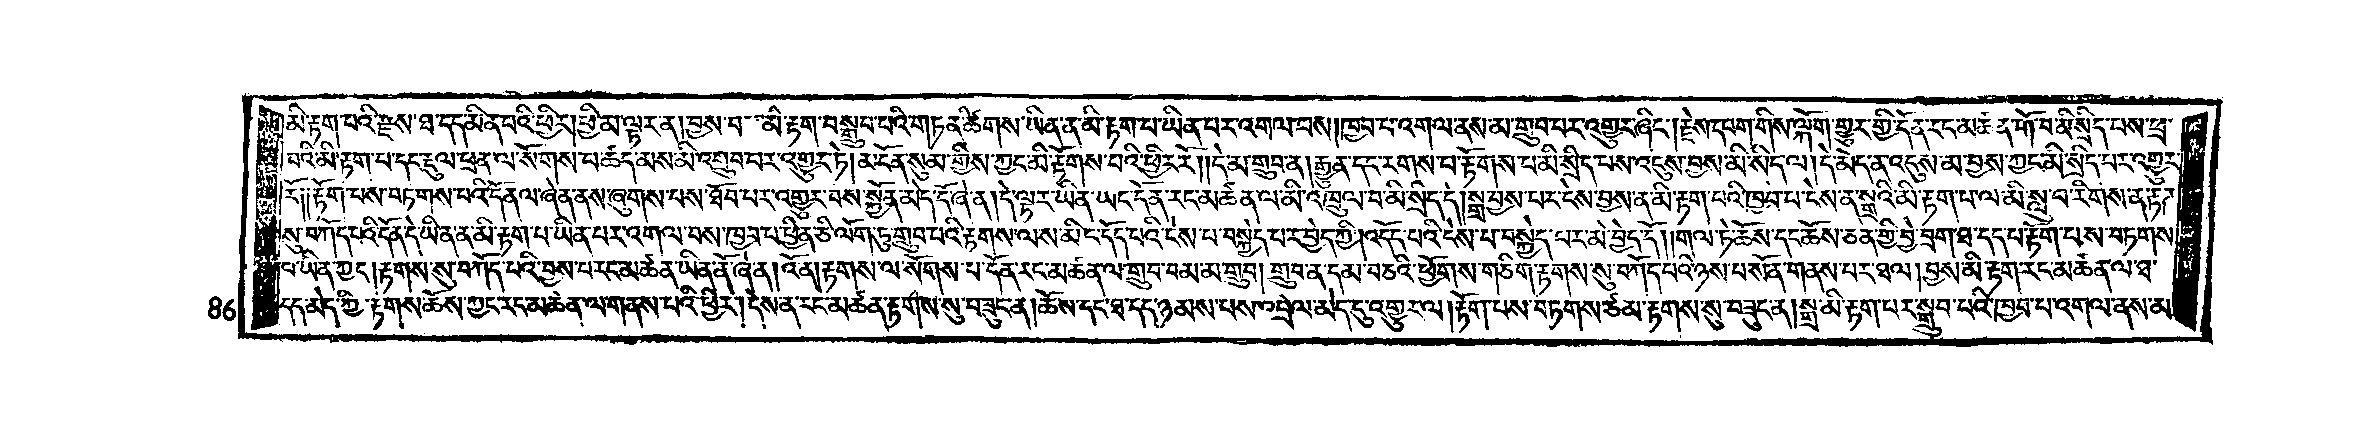མི་རྟག་པའི་རྫས་ཐ་དད་མིན་པའི་ཕྱིར། ཕྱི་མ་ལྟར་ན། བྱས་པ་མི་རྟག་བསྒྲུབ་པའི་གཏན་ཚིགས་ཡིན་ན་མི་རྟག་པ་ཡིན་པར་འགལ་པས། ཁྱབ་པ་འགལ་ནས་མ་གྲུབ་པར་འགྱུར་ཞིང་། རྗེས་དཔག་གིས་ལྐོག་གྱུར་གྱི་དོན་རང་མཚན་གོ་བ་མི་སྲིད་པས་ཕྲ་
བའི་མི་རྟག་པ་དང་རྡུལ་ཕྲན་ལ་སོགས་པ་ཚད་མས་མི་འགྲུབ་པར་འགྱུར་ཏེ། མངོན་སུམ་གྱིས་ཀྱང་མི་རྟོགས་པའི་ཕྱིར་རོ། །དེ་མ་གྲུབ་ན། རྒྱུན་དང་རགས་པ་རྟོགས་པ་མི་སྲིད་པས་འདུས་བྱས་མི་སྲིད་ལ། དེ་མེད་ན་འདུས་མ་བྱས་ཀྱང་མི་སྲིད་པར་འགྱུར་
རོ། །རྟོག་པས་བཏགས་པའི་དོན་ལ་ཞེན་ནས་ཞུགས་པས་ཐོབ་པར་འགྱུར་བས་སྐྱོན་མེད་དོ་ཞེ་ན། དེ་ལྟར་ཡིན་ཡང་དོན་རང་མཚན་ལ་མི་འཁྲུལ་བ་མི་སྲིད་དེ། སྒྲ་བྱས་པར་ངེས་བྱས་ན་མི་རྟག་པའི་ཁྱབ་པ་ངེས་ན་སྒྲའི་མི་རྟག་པ་ལ་མི་སླུ་བ་རིགས་ན་རྟཌ་
སུ་བཀོད་པའི་དོན་དེ་ཡིན་ན་མི་རྟག་པ་ཡིན་པར་འགལ་བས་ཁྱབ་པ་ཕྱིན་ཅི་ལོག་ཏུ་གྲུབ་པའི་རྟགས་ལས་མིང་དོད་པའི་ངེས་པ་བསྐྱེད་པར་བྱེད་ཀྱི། འདོད་པའི་ངེས་པ་བསྐྱེད་པར་མེ་བྱེད་དོ། །གལ་ཏེ་ཆོས་དང་ཆོས་ཅན་གྱི་བྱེ་བྲག་ཐ་དད་པ་རྟོག་པས་བཏགས་
པ་ཡིན་ཀྱང་། རྟགས་སུ་བཀོད་པའི་བྱས་པ་རང་མཚན་ཡིན་ནོ་ཞེ་ན། འོ་ན། རྟགས་ལ་སོགས་པ་དོན་རང་མཚན་ལ་གྲུབ་བམ་མ་གྲུབ། གྲུབ་ན་དམ་བཅའི་ཕྱོགས་གཅིག་རྟགས་སུ་བཀོད་པའི་ཉས་པ་སོ་ན་གནས་པར་ཐལ། བྱས་མི་རྟག་རང་མཚན་ལ་ཐ་
དད་མེད་ཀྱི་རྟགས་ཆོས་ཀྱང་རང་མཚན་ལ་གནས་པའི་ཕྱིར། དེས་ན་རང་མཚན་རྟགས་སུ་བཟུང་ན། ཆོས་དང་ཐ་དད་ཉམས་པས་འབྲེལ་མེད་དུ་འགྱུར་ལ། རྟོག་པས་བཏགས་ཙམ་རྟགས་སུ་བཟུང་ན། སྒྲ་མི་རྟག་པར་སྒྲུབ་པའི་ཁྱབ་པ་འགལ་ནས་མ་